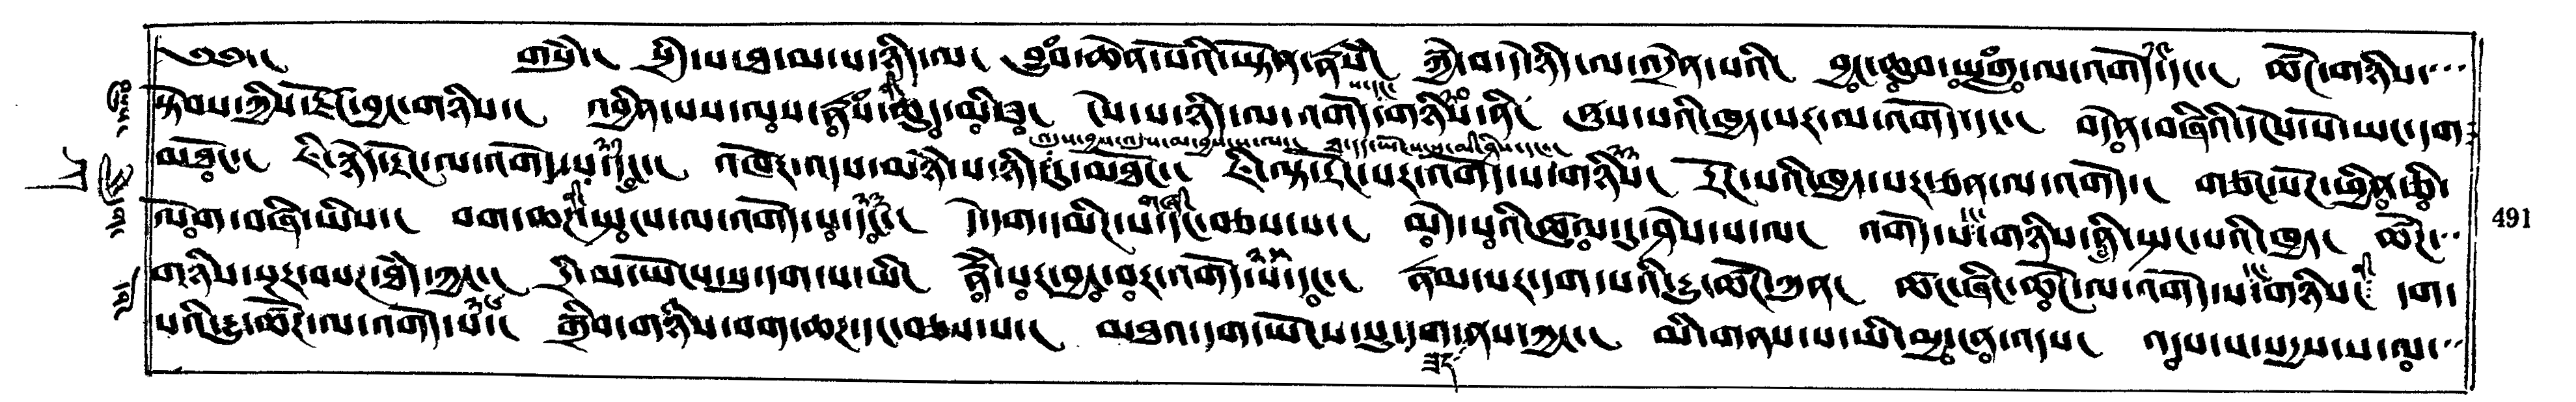གསུམ། །སྲིད་པ་ཐ་མ་པ་ཉིད་ལ། །བྱང་ཆུབ་ཆེན་པོའི་ཡོན་ཏན་རྣམས། །སྐྱེ་བ་དེ་ཉིད་ལ་འདྲེན་པའི། །བྱང་ཆུབ་ཡན་ལག་ལ་འགོད་དང་། །ཚོགས་གཉིས་
སྟོབས་ཀྱིས་རྫོགས་བྱང་གཉིས། །འབྱིན་པས་ལས་རྣམས་ཆུད་མི་ཟ། །ངེས་པ་ཉིད་ལ་འགོད་པ་དང་གཉིས་ནི། །ནུས་པའི་ཁྱད་པར་ལ་འགོད་དང་། །བདེན་བཞིའི་དངོས་པོ་ཡང་དག་
མཐོང་། །ཇི་སྙེད་རྟོགས་ལ་འགོད་པ་དང་། །འཁོར་འདས་མཉམ་པ་ཉིད་འདུས་བྱས་འདུས་མི་བྱས་པ་ལ། །ཐ་དད་ཡོངས་སུ་མི་ཤེས་དང་།། དུ་མཐོང་། །ཇི་ལྟར་རྟོགས་པར་འགོད་པ་གཉིས། །རྟོགས་པའི་ཁྱད་པར་ཅན་ལ་འགོད། །གཙང་སོགས་ཕྱིན་ཅི་
ལོག་བཞི་ཡིས། །བག་ཆགས་སྤངས་ལ་འགོད་པ་དང་། །དེ་དག་དམིགས་པ་གཞི་དང་བཅས་པ། །མེད་པའི་ཚུལ་དུ་ཤེས་པ་ལ། །འགོད་པ་དང་གཉིས་ནི་སྤང་པའི་ཁྱད། །ཚོགས་
གཉིས་སྔར་བསགས་ཐམས་ཅད་ཀྱང་། །དྲི་མ་ཡོངས་སུ་དག་པ་ཡི། །རྣམ་པར་བྱང་བར་འགོད་པ་དང་། །རྣམ་པར་དག་པའི་རྒྱུ་ཚོགས་ཀུན། །ཚང་ཞིང་ཚོགས་ལ་འགོད་པ་དང་གཉིས།། ནི།། དག་
པའི་རྒྱུ་ཚོགས་ལ་འགོད་པ། །སྒྲིབ་གཉིས་བག་ཆགས་དང་བཅས་པ། །མཐའ་དག་ཡོངས་སུ་ཟད་ནས་ཀྱང་། །མི་གནས་པ་ཡི་མྱ་ངན་འདས། །འདས་པ་སངས་རྒྱས་ས་ལ་